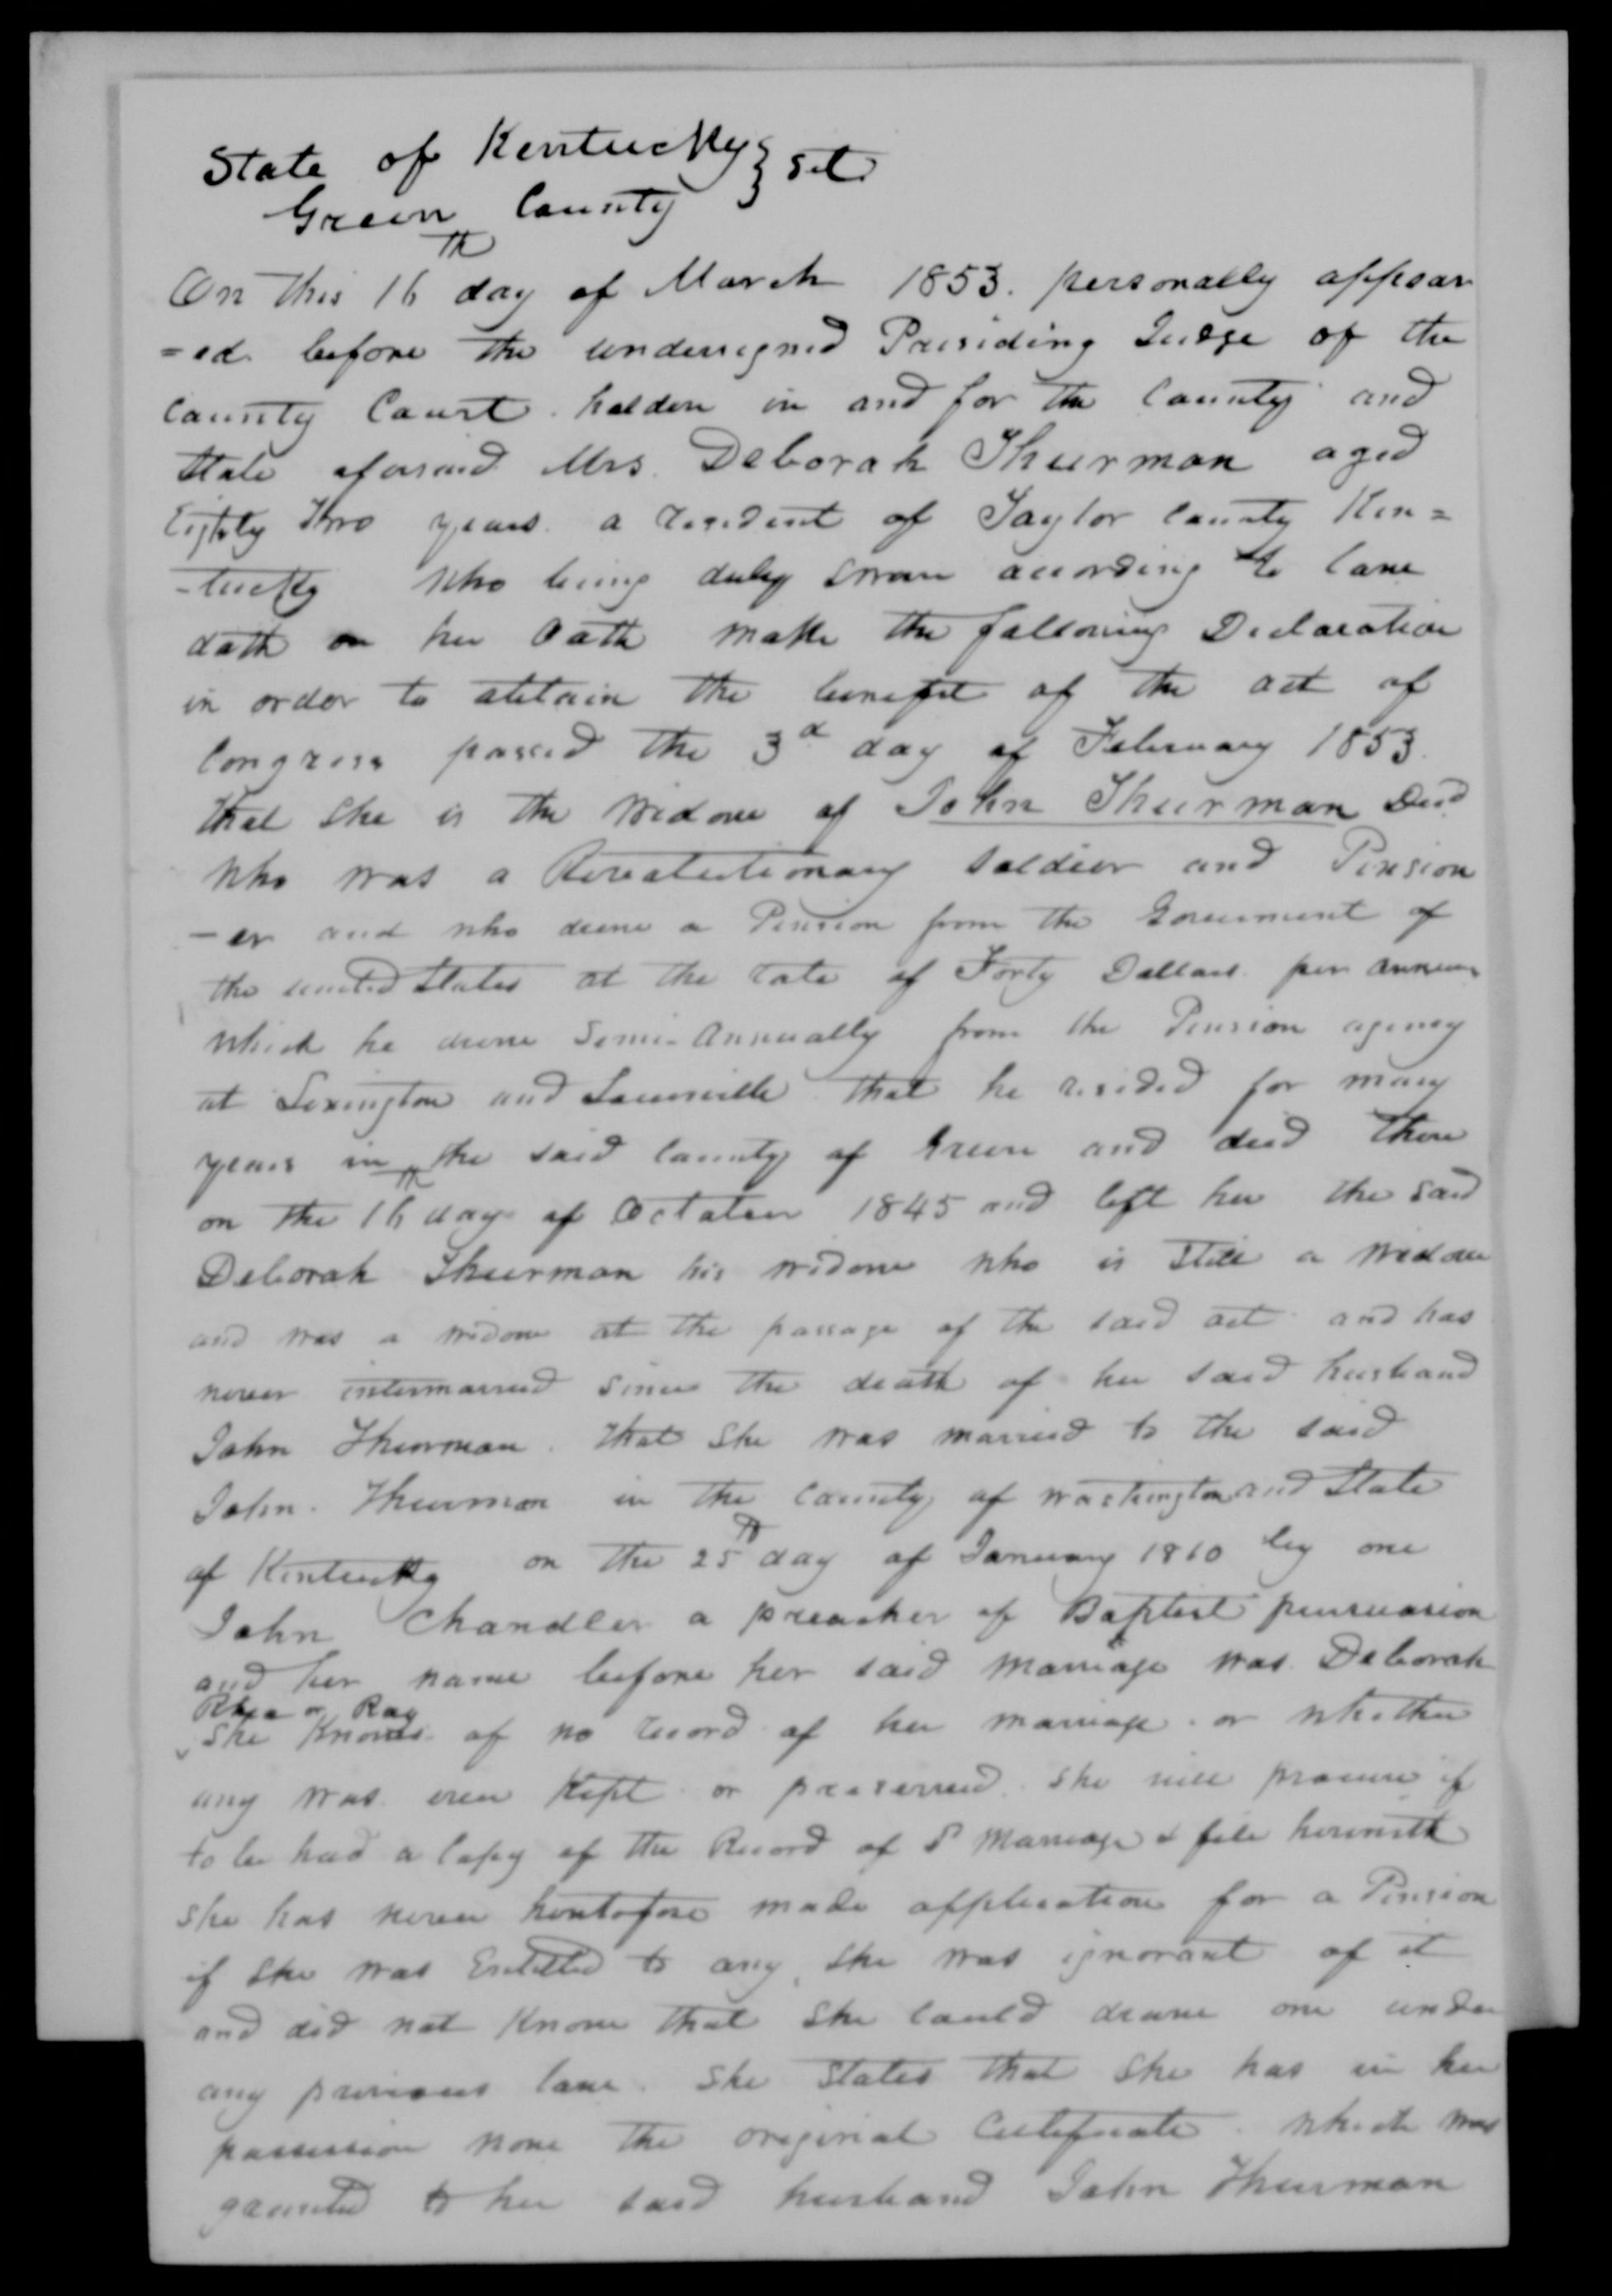State of Kentucky 
Green County  Set.  On this 16 day of March 1853. personally appeared before me the undersigned Presiding Judge of the County Court holden in and for the County and State aforesaid Mrs. Deborah Thurman age eighty two years a resident of Taylor County Kentucky who being duly sworn according to law doth on her oath make the following Declaration in order to obtain the benefit of the act of Congress passed the 3rd day of February  1853. that she is the widow of John Thurman dec'd who was a Revolutionary soldier and Pensioner and who drew a Pension from the Government of the United States at the rate of Forty Dollars per annum which he drew Semi - Annually from the Pension agency at Lexington and Louisville that he resided for many years in the said County of Green and died there on the 16 th day of October 1845 and left her the said Deborah Thurman his widow who is still a widow and was a widow at the passage of the said act and has never intermarried since the death of her said husband John Thurman. That she was married to the said John Thurman in the County of Washington and State of Kentucky on the 25th day of January 1810 by me John Chandler a preacher of Baptist persuasion and her name before marriage was Deborah Rhea or Ray  She knows of no record of her marriage or whether any was even kept or processed . She will procure if to be had a Copy of the Record of marriage & file herewith . She has never heretofore made application for a Pension if she was Entitled to any , she was ignorant of it and did not know that she could draw one under any previous laws . She states that she has in her possession none the original certificate which was granted to her said husband John Thurman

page: 14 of 53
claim: widow's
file: W. 6,267, for John Thurman, Georgia